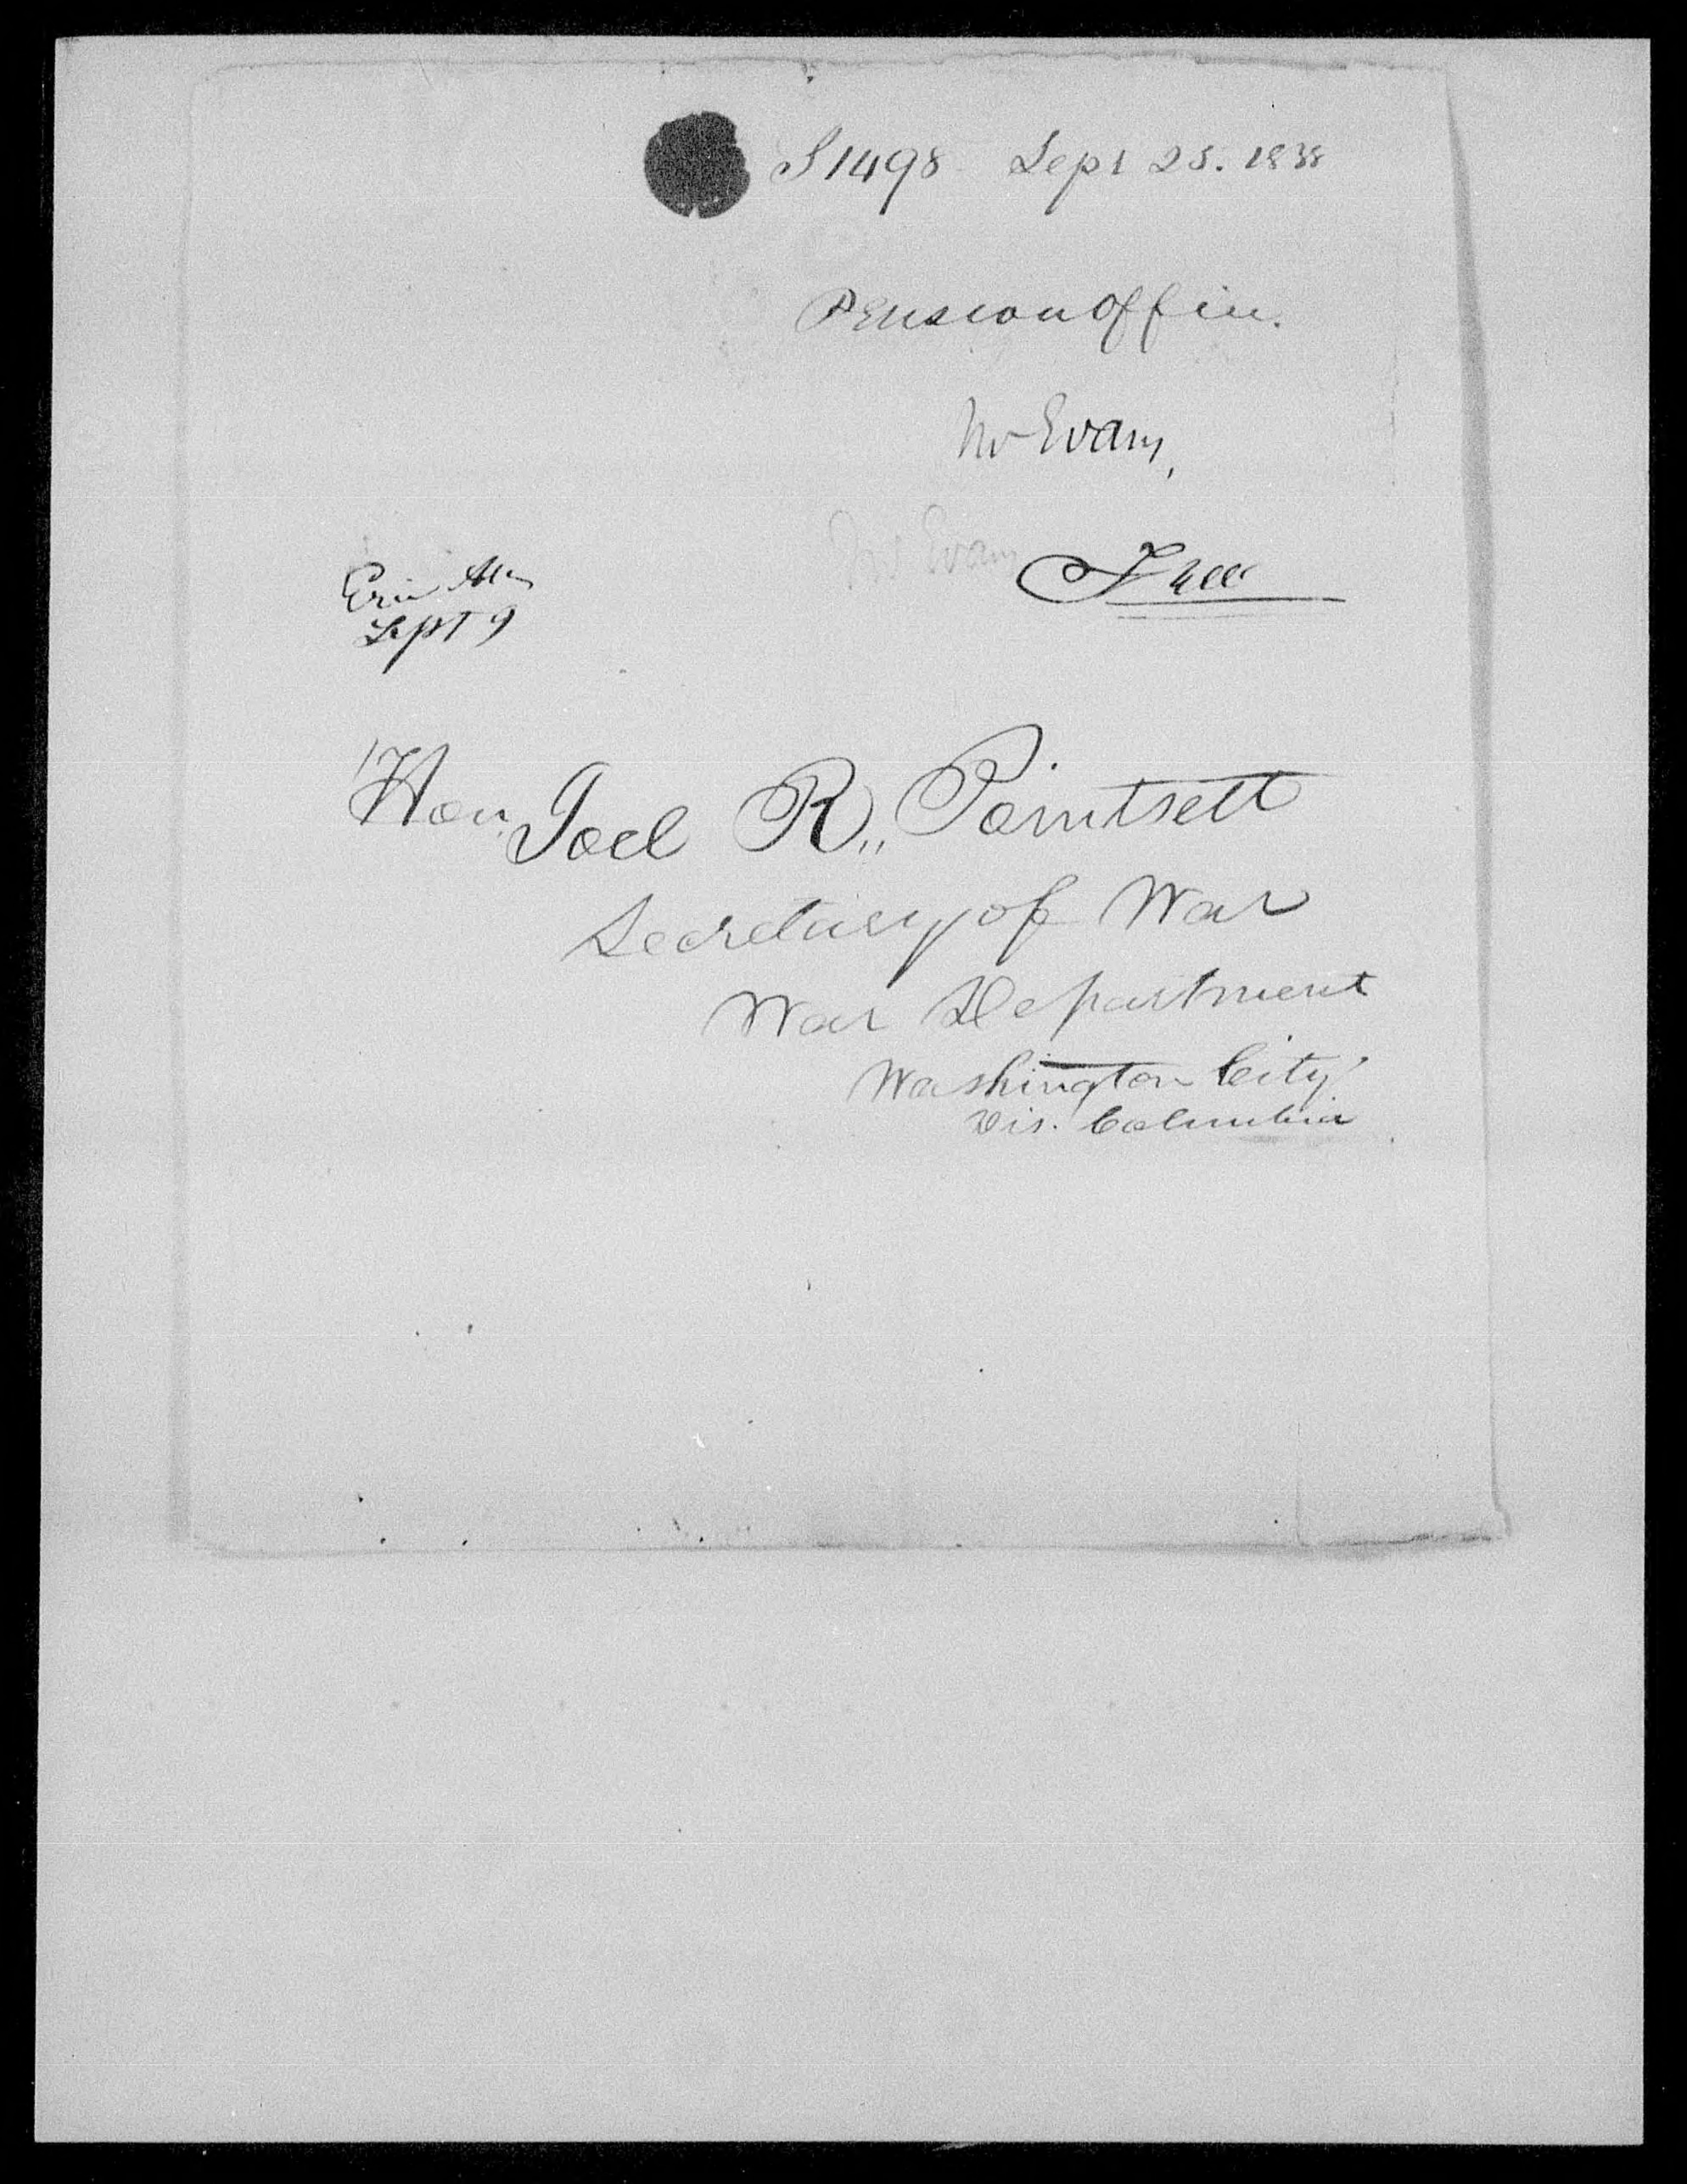S1498 Sept 25. 1838 Pension office. Nv Evans
Free
Erie Ala Sept 9
Hon Joel R. Poinsett
Secretary of War War Department Washington City Dis. Columbia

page: 14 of 45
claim: survivor's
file: S. 13,890, for James Mc Carter, South Carolina